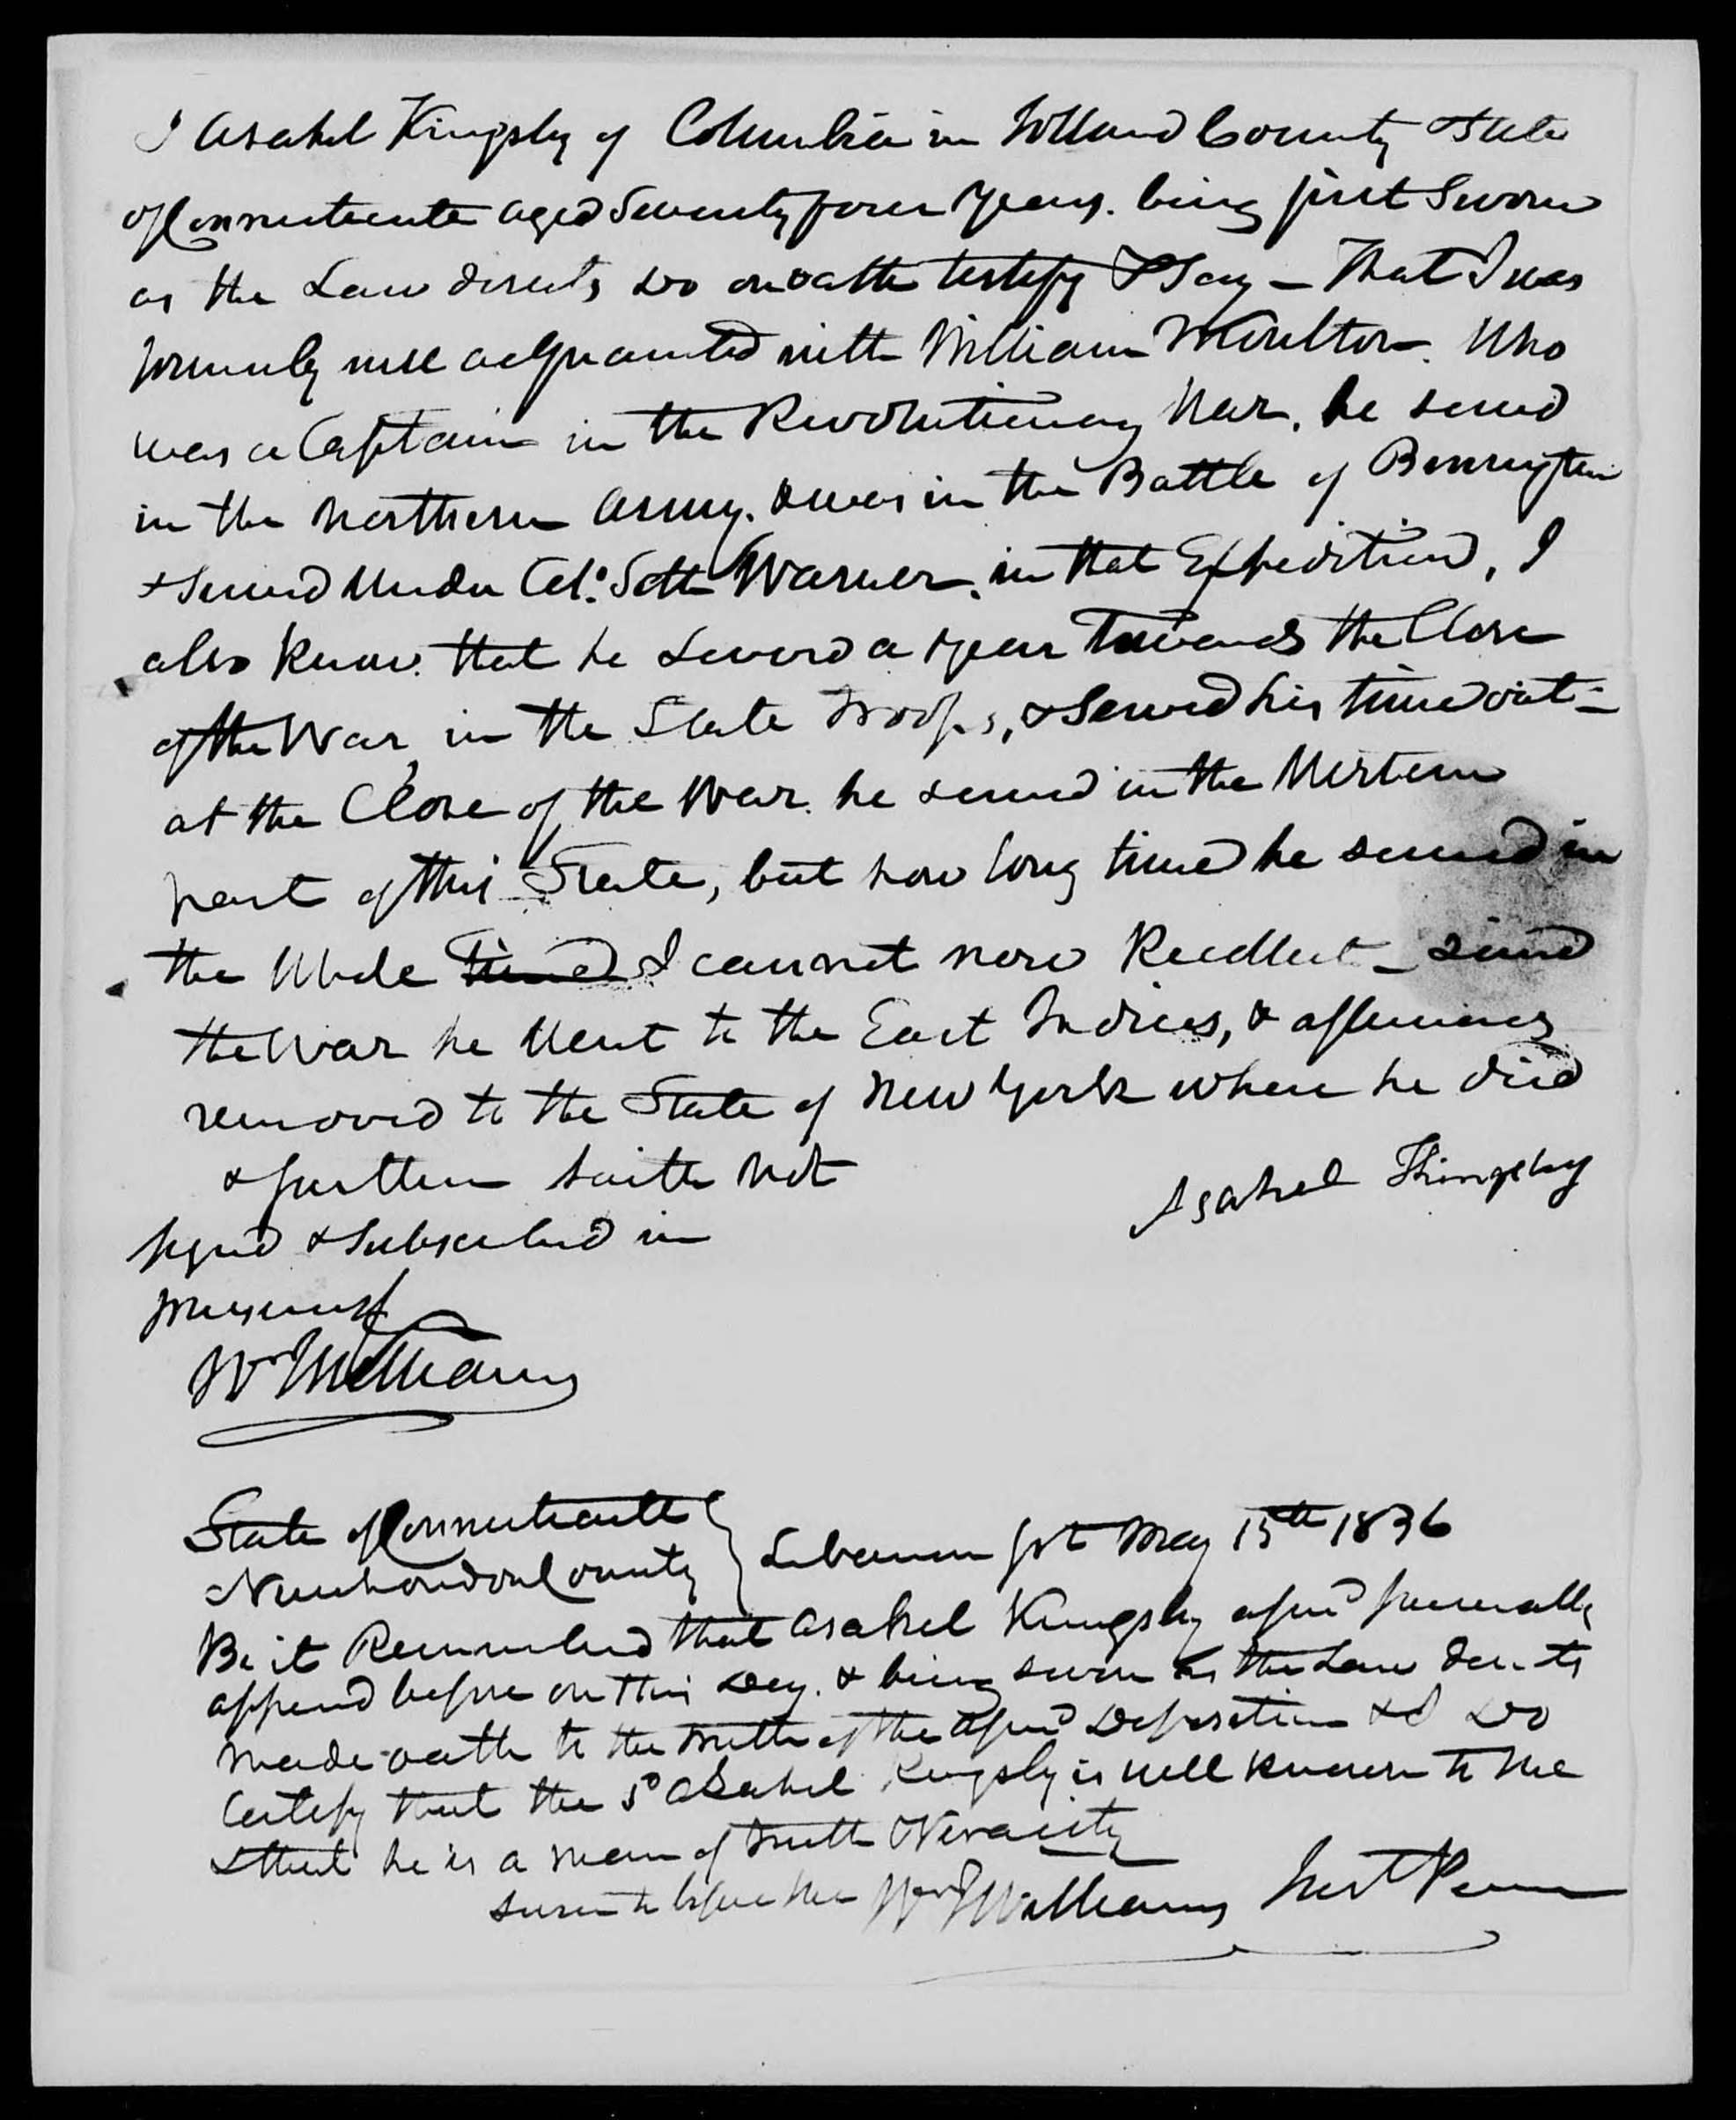I Asahel Kingsly of Columbia it Tolland County & State of Connecticut aged seventy four years being first sworn as the law directs, do on oath testify & say that I was formerly well acquainted with William Moulton who was a Captain in the Revolutionary War. He served in the Northern Army & was in the Battle of Bennington & served under Col. Seth Warner in that Expedition. I also know that he served a year towards the close of the war in the State Troops & served his time & at the close of the war he served in the Northern part of this State, but how long time he served in the whole I cannot now recollect. [illegible] the war he went to the East Indies & [?] removed to the state of New York where he died & further saith not.

Asahel Kingsley

Signed & Subscribed in presence of
Wm. Williams

State of Connecticut
New London County
Lebanon [?] May 15th 1836

Be it remembered that Asahel Kingsley aforesaid personally appeared before on this day & being sworn as the law directs made oath to the truth of the aforesaid declaration & I do certify that the said Asahel Kingsly is well known to me & that he is a man of truth & veracity.

Subscribed to before me
Wm. Williams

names: Asahel Kingsley, Asahel Kingsly, Wm T Williams, Asahel Kingsley, Wm T Williams, Seth Warner, William Moulton, Asahel Kingsley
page: 41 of 50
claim: survivor's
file: S 10607, Jabez Edwards, Conn.